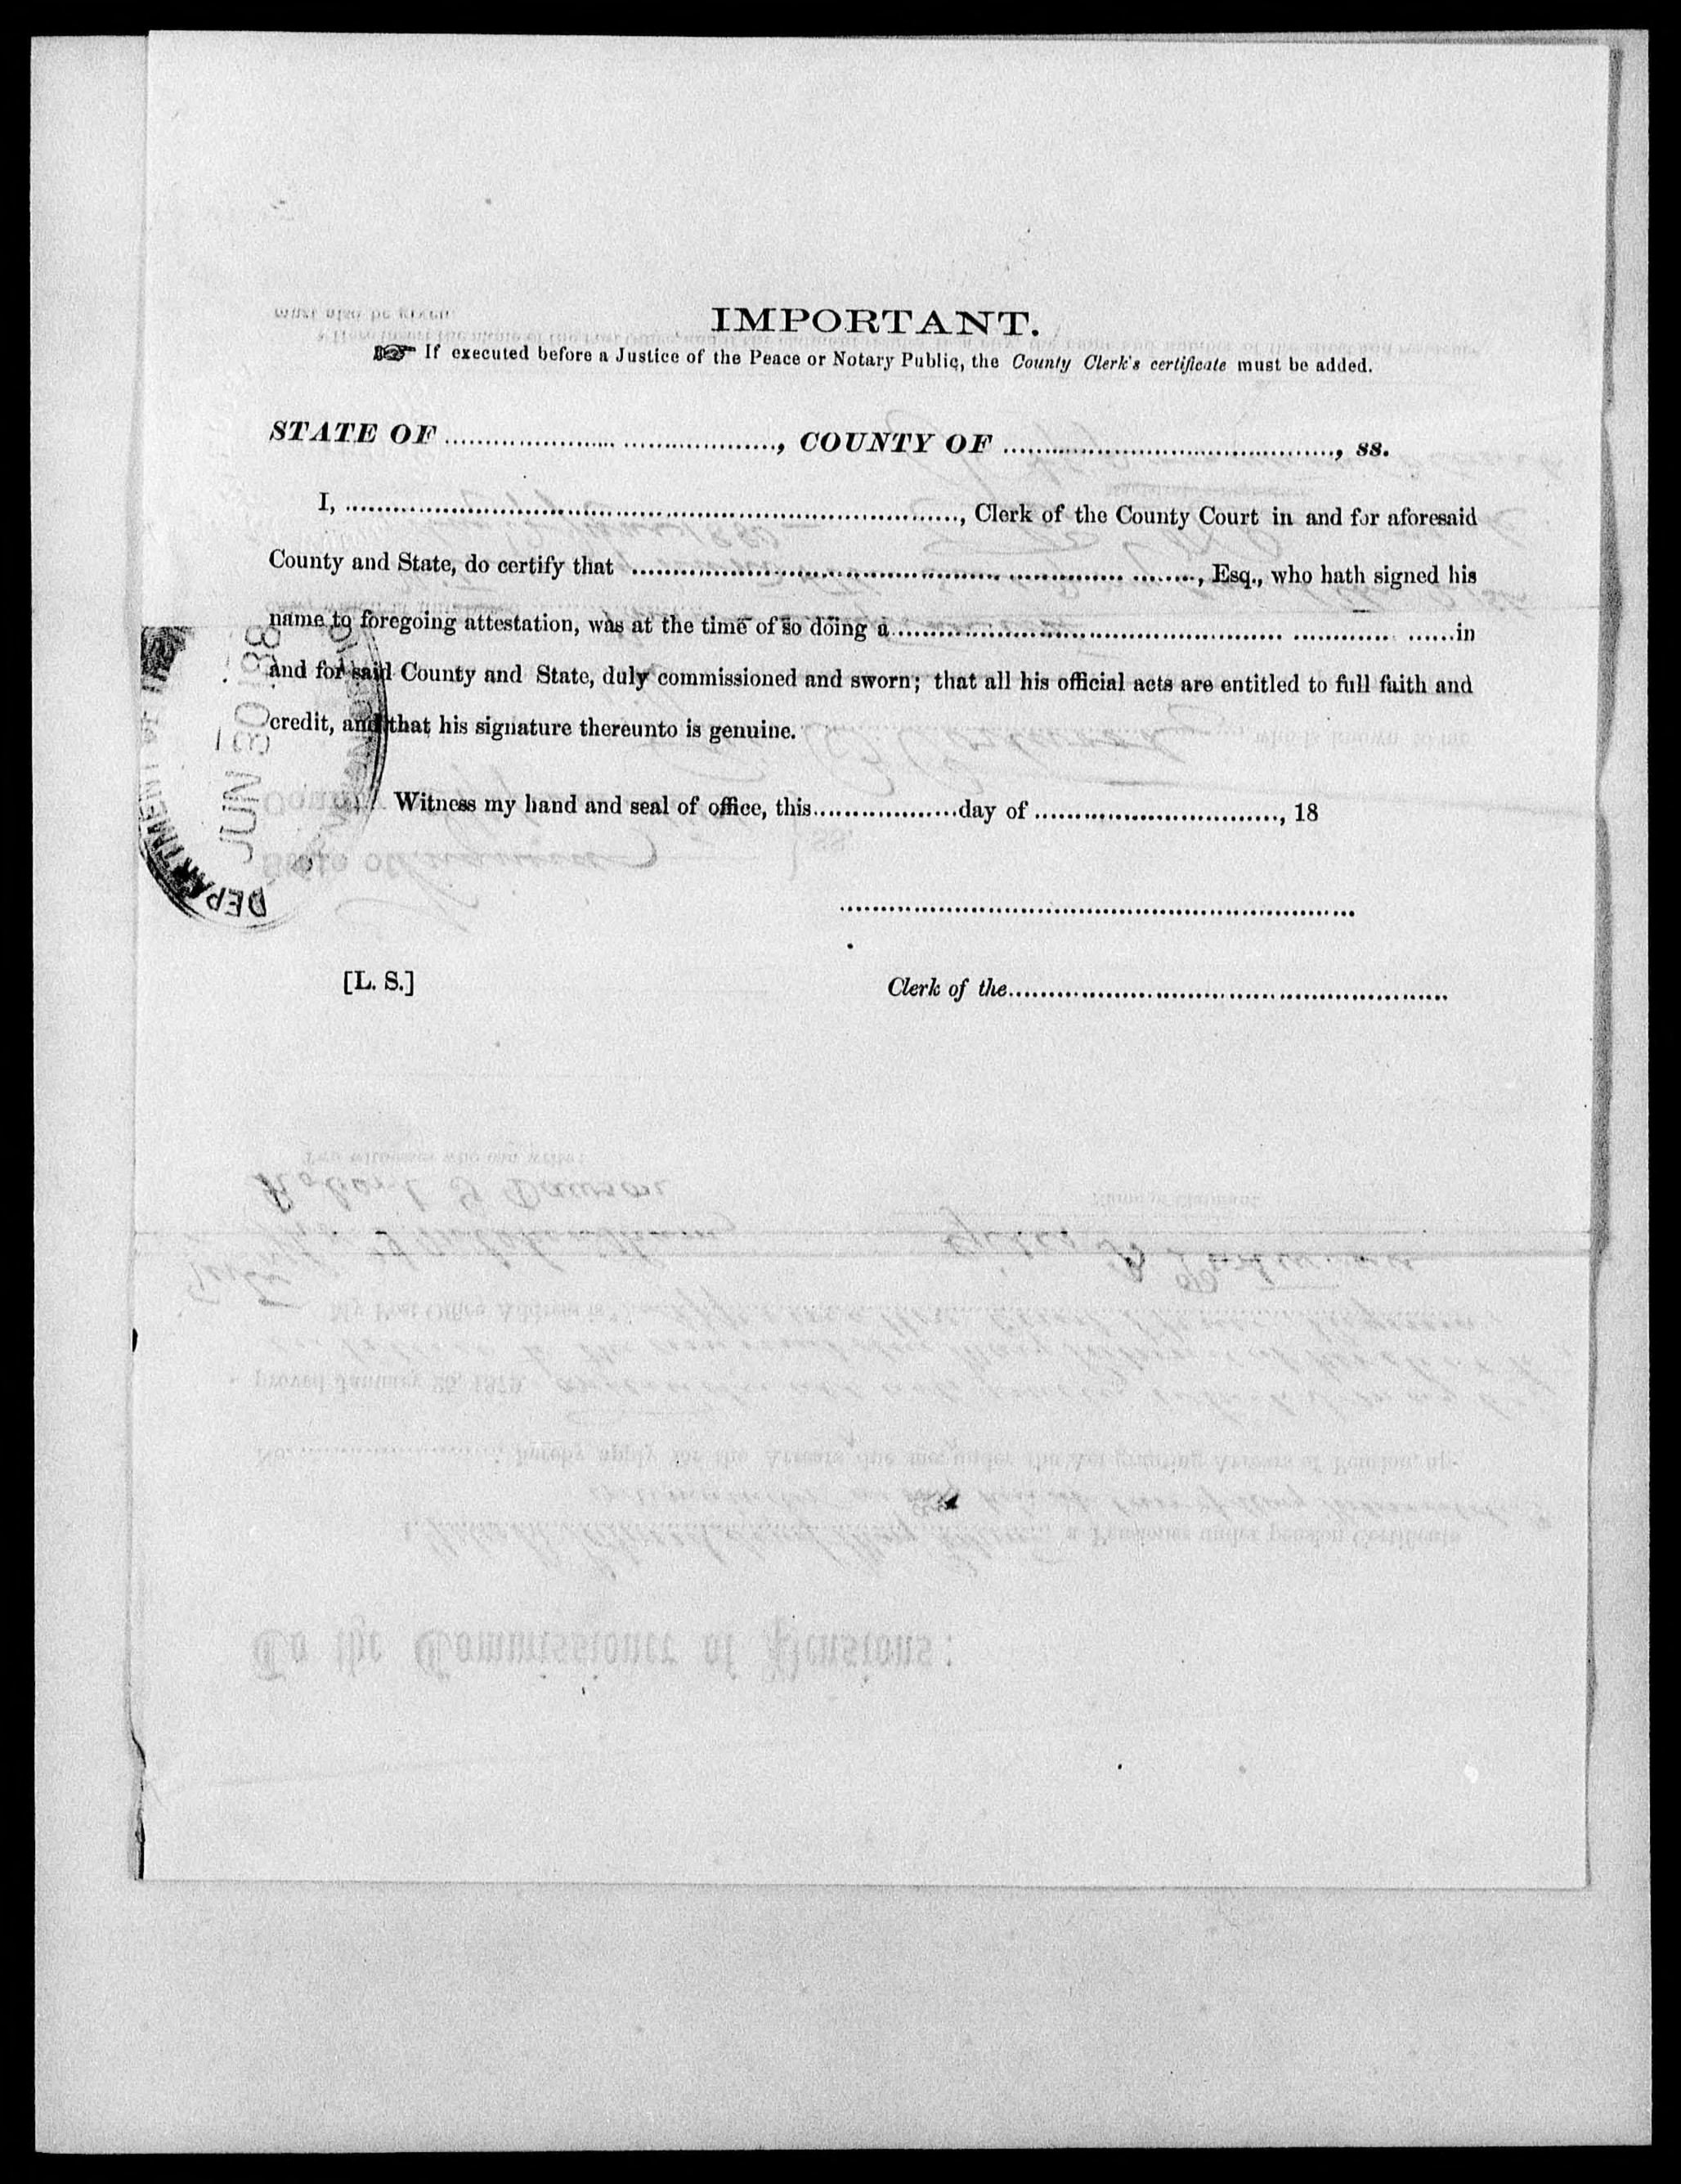IMPORTANT.
If executed before a Justice of the Peace or Notary Public, the County Clerk's certificate must be added.
STATE OF [blank], COUNTY OF [blank], ss.
I, [blank], Clerk of the County Court in and for aforesaid
County and State, do certify that [blank], Esq, who hath signed his
name to foregoing attestation, was at the time of so doing a [blank] in
and for the County and State, duly commissioned and sworn; that all his official acts are entitled to full faith and
credit, and that his signature thereunto is genuine.
Witness my hand and seal of office, this [blank] day of [blank], 18[blank]
[blank]
[L.S.] | Clerk of the [blank]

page: 28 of 50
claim: widow's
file: W. 1929, for Lloyd Portwood, Virginia